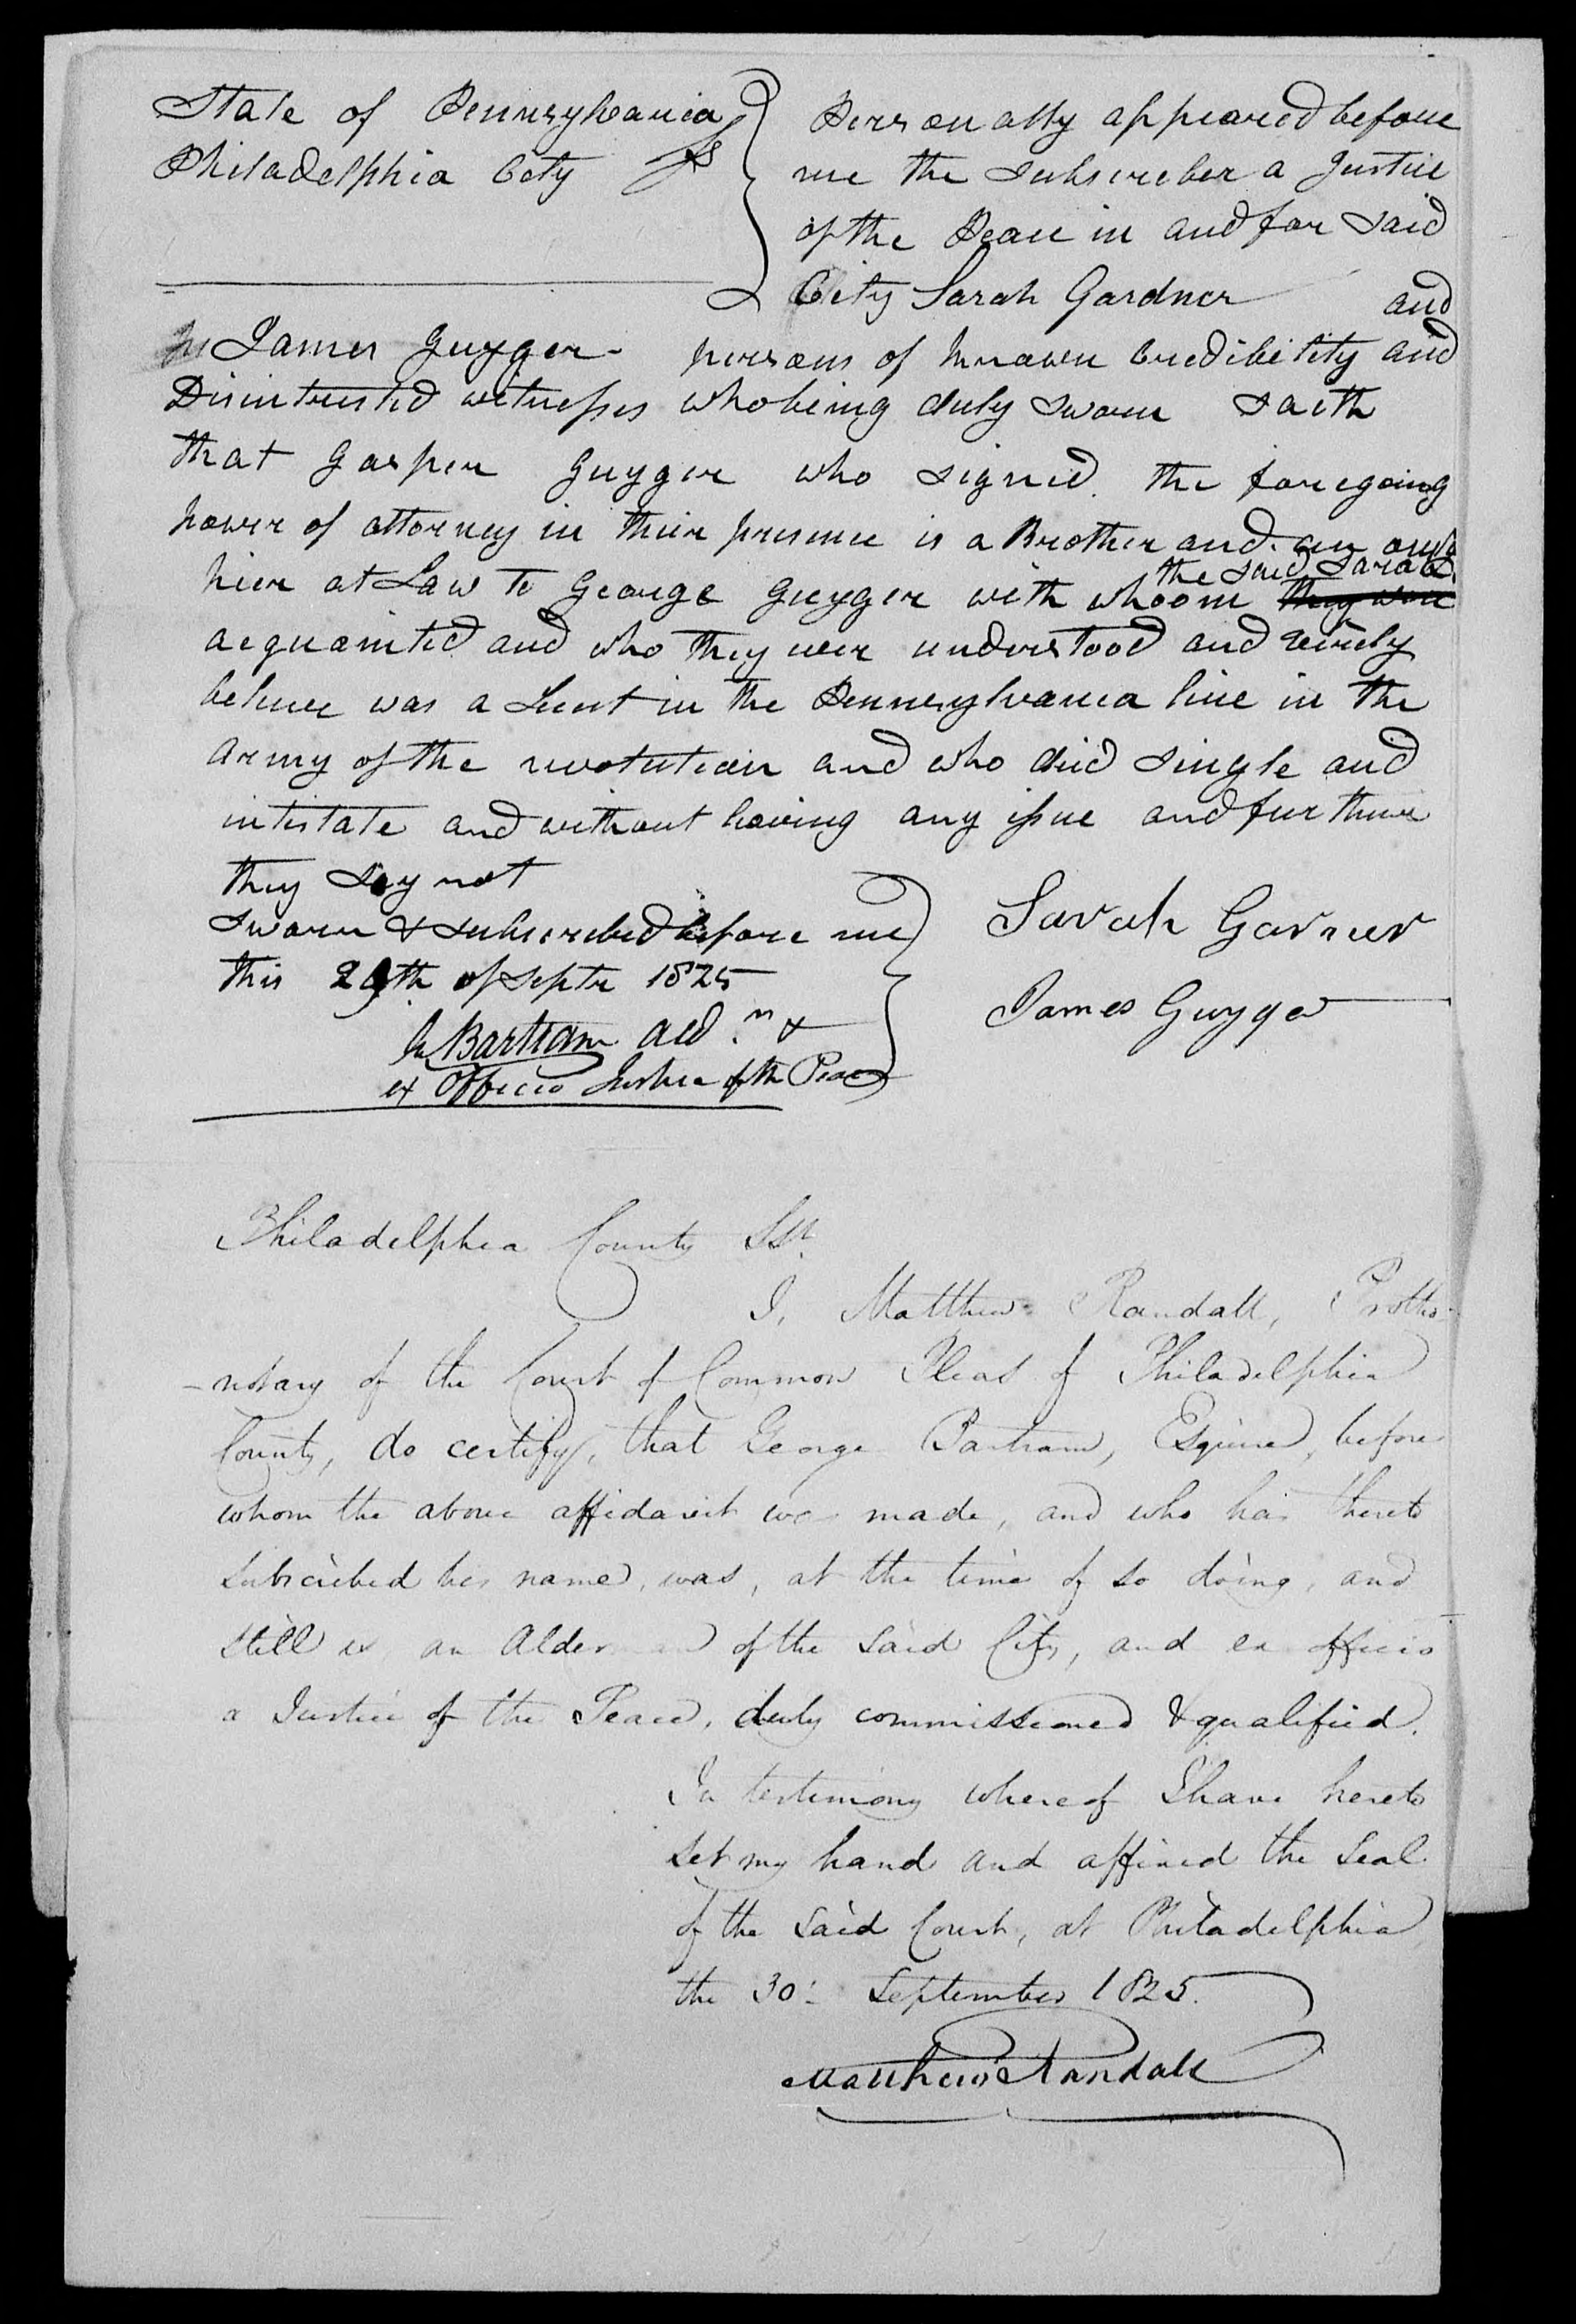State of Pennsylvania
Philadelphia Coty Ss.
Personally appeared before
me the Subscriber a Justice
of the Peace in and for said
City Sarah Gardner and James Guyger
persons of honorable credibility and
Disinterested witnesses who being duly sworn saith That Gasper Guyger who signed the foregoing power of attorney in their presence is a Brother and an only heir at Law to George Guyger with whoom the said Sarah acquainted and who they ever understood and verily
Believed was a Lieut in the Pennsylvania line in the Army of the revolution and who died single and intestate and without having any issue and further they say not
Sarah Garner
James Guyger
Sworn & subscribed before me
this 29th of September 1825
G. Bartram aldn & 
ex officio Justice of the Peace

Philadelphia County SS
I, Matthew Randall, prothonotary of the Court of Common Pleas of Philadelphia County, do certify, that George Bartram, Esquire, before
whom the above affidavit was made, and who has thereto Subscribed his name, was, at the time of so doing, and still is an Alderman of the said Cty, and ex officio a Justice of the Peace, duly commissioned & qualified
In testimony whereof I have hereto
set my hand and affixed the Seal
of the said Court, at Philadelphia
the 30th September 1825
Matthew Randall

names: George Bartram, Sarah, Matthews Randall, George Guyger, Gasper Guyger, Sarah Garner, G Bartram, Sarah Gardner, James Guyger, James Guyger, Matthews Randall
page: 4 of 5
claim: bounty land warrant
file: B.L.Wt. 1135-200, George Guyger, Penn.